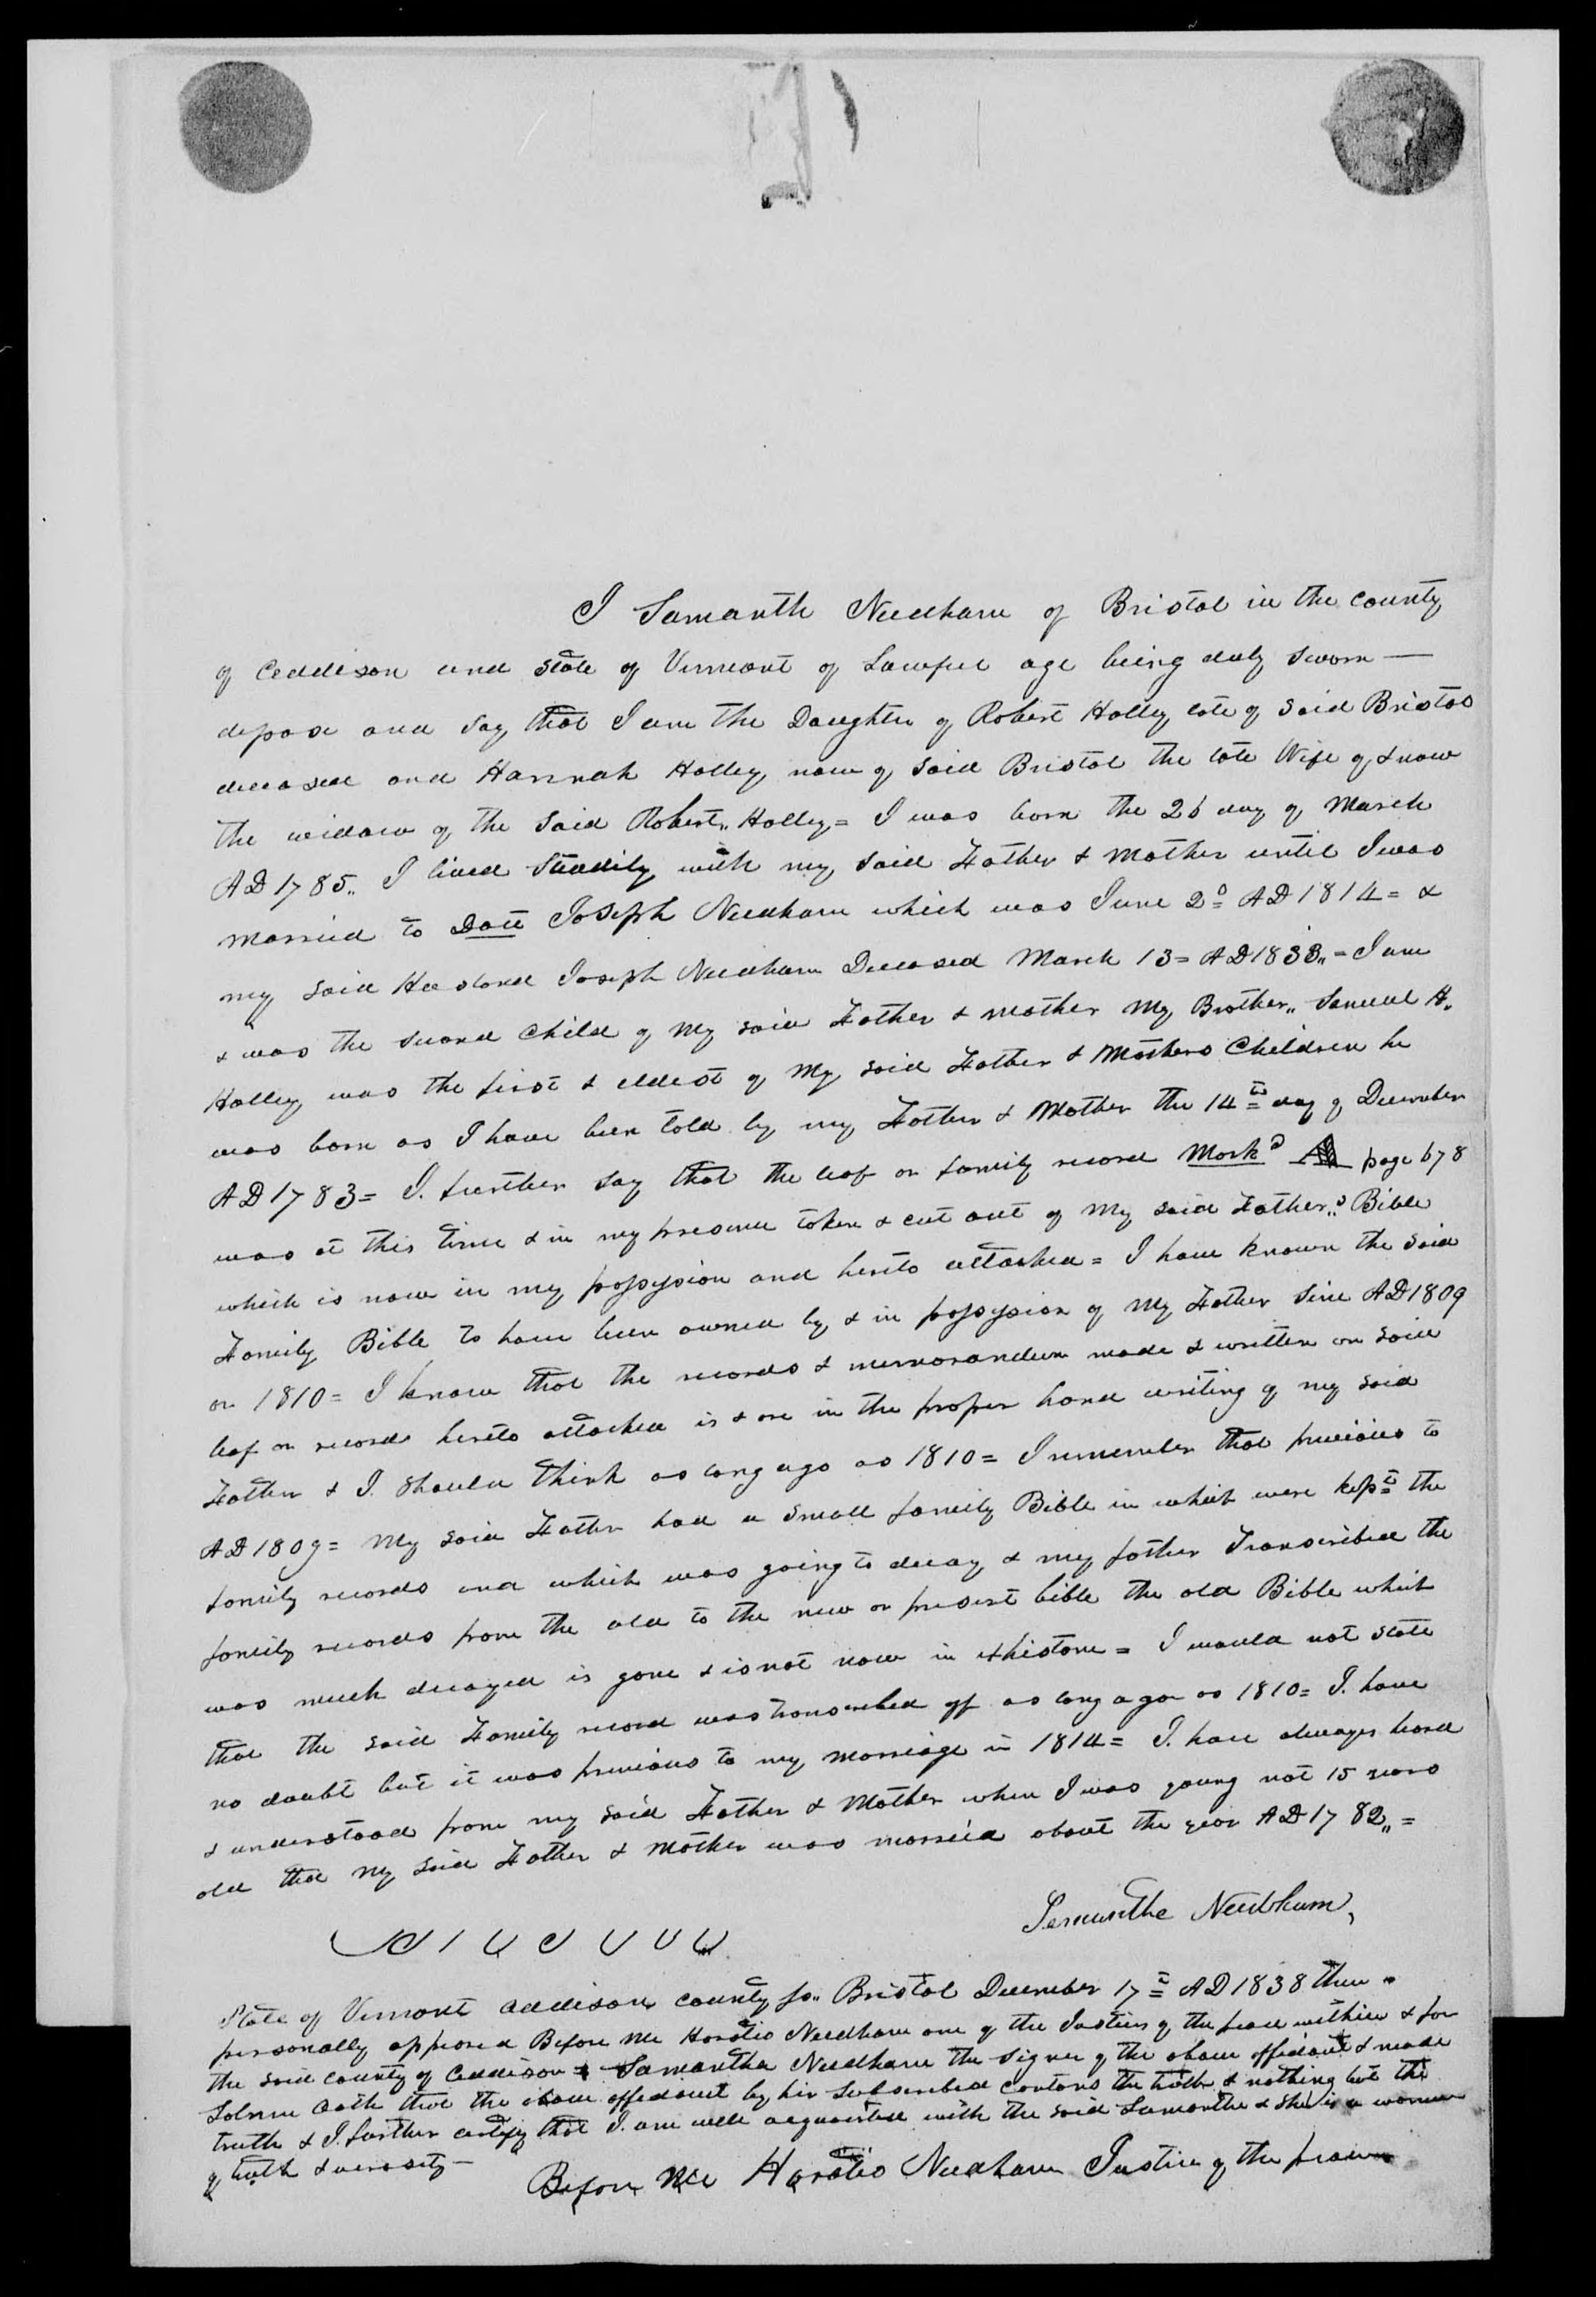Samanth Needham of Bristol in the County
of Addison and State of Vermont of Lawful age being duly sworn--
depose and say that I am the Daughter of Robert Holley late of said Bristol
deceased and Hannah Holley now of said Bristol the late Wife of & now
the widow of the said Robert Holly-- I was born the 26 day of March
AD 1785, I lived steadily with my said Father & mother until I was
married to [illegible] Joseph Needham which was June 2d AD 1814= &
my said Husband Joseph Needham Deceased March 13=AD 1838. I am
& was the second child of my said Father & mother my Brother, Samuel H.
Holley was the first & eldest of my said Father & Mothers Children he
was born as I have been told by my Father & Mother the 14 day of December
AD 1783- I further say that the leaf or family record Markd [marked] A page 678
was at this time & in my presence taken & cut out of my said Fathers Bible
which is now in my possession and hereto attached. I have known the said
Family Bible to have been owned by & in possession of my Father in AD 1809
or 1810 - I know that the records & memorandum made & written on said
leaf or record hereto attached is & are in the proper hand writing of my said
Father & I should think as long ago as 1810 - I remember that previous to
AD 1809 - My said Father had a small family Bible in which were kept the
family records and which was going to decay & my father Transcribed the
family records from the old to the new or present bible the old Bible which
was much decayed is gone & is not now in exhistonce [existence?]. I would not state
that the said Family record was transcribed [illegible]as long ago as 1810 - I have
no doubt but it was previous to my marriage in 1814. I have always heard
& understood from my said Father & Mother when I was young not 15 years
old that my said Father & Mother was married about the year AD 1782.=
Samanthe Needham,
[illegible]
State of Vermont Addison County [illegible] Bristol December 17= AD 1838 there
personally appeared Before me Horatio Needham one of the Justices of the peace within & for
the said County of Addison & Samantha Needham the signer of the above affidavit & made
solemn oath that the above affidavit by her subscribed contains the truth & nothing but the
truth & I further certify that I am well acquainted with the said Samantha & she is a woman
of truth and verasity [veracity]-
Before me Horatio Needham Justice of the peace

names: Joseph Needham, Samanth Needham, Samuel H Holley, Samantha Needham, Horatio Needham, Joseph Needham, Robert Holley, Samantha Needham, Hannah Holley, Robert Halley, Horatio Needham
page: 51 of 62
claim: widow's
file: W. 21391, Robert Holley, Conn.